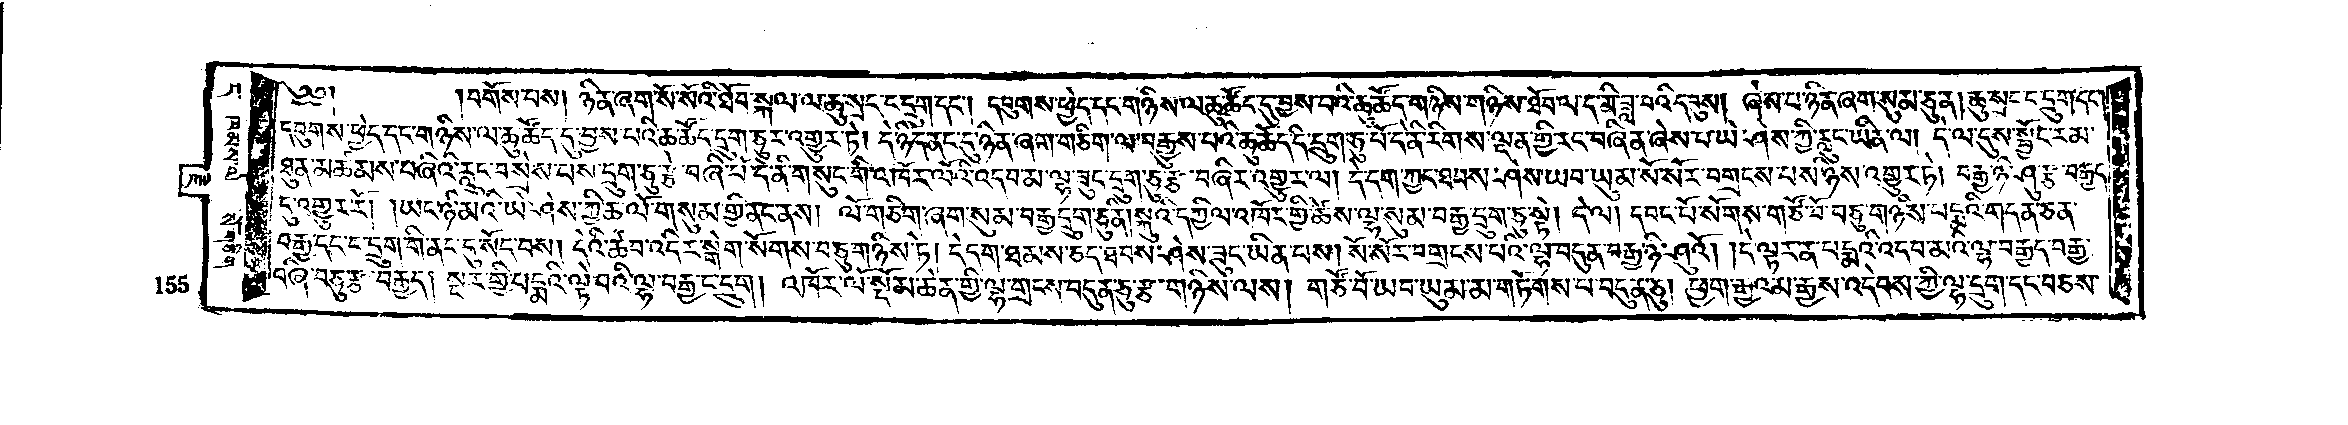༄༅། །བགོས་པས། ཉིན་ཞག་སོ་སོའི་ཐོབ་སྐལ་ལ་ཆུ་སྲང་ང་དྲུག་དང་། དབུགས་ཕྱེད་དང་གཉིས་ལ་ཆུ་ཚོད་དུ་བྱས་པའི་ཆུ་ཚོད་གཉིས་གཉིས་ཐོབ་ལ་ད་མི་ཟླ་བའི་དབུས། ཞེས་པ་ཉིན་ཞག་སུམ་ཅུ་ན། ཆུ་སྲང་ང་དྲུག་དང་།
དབུགས་ཕྱེད་དང་གཉིས་ལ་ཆུ་ཚོད་དུ་བྱས་པའི་ཆ་ཚོད་དྲུག་ཅུར་འགྱུར་ཏེ། དེ་ཉིད་ནང་དུ་ཉིན་ཞག་གཅིག་ལ་བརྒྱུས་པའི་ཆུ་ཚོད་དི་དྲུག་ཅུ་པོ་དེ་ནི་རིགས་ལྡན་གྱི་རང་བཞིན་ཞེས་པ་ཡེ་ཤེས་ཀྱི་རླུང་ཡིན་ལ། དེ་ལ་དུས་སྦྱོང་རམ་
ཐུན་མཚམས་བཞིའི་རླུང་བསྲེས་པས་དྲུག་ཅུ་རྩེ་བཞི་པོ་དེ་ནི་གསུང་གི་འཁོར་ལོའི་འདབ་མ་ལྷ་ཟུང་དྲུག་ཅུ་རྩ་བཞིར་འགྱུར་ལ། དེ་དག་ཀྱང་ཐབས་ཤེས་ཡབ་ཡུམ་སོ་སོར་བགྲངས་པས་ཉིས་འགྱུར་ཏེ། བརྒྱ་ཉི་ཤུ་རྩ་བརྒྱད་
དུ་འགྱུར་རོ། །ཡང་ཉི་མའི་ཡེ་ཤེས་ཀྱི་ཆ་ལོ་གསུམ་གྱི་ནང་ནས། ལོ་གཅིག་ཞག་སུམ་བརྒྱ་དྲུག་ཅུ་ནི། སྐུའི་དཀྱིལ་འཁོར་གྱི་ཚེས་ལྷ་སུམ་བརྒྱ་དྲུག་ཅུ་སྟེ། དེ་ལ། དབང་པོ་སོགས་གཙོ་བོ་བཅུ་གཉིས་པདམའི་གདན་ཅན་
བརྒྱ་དང་ང་དྲུག་གི་ནང་དུ་སོང་བས། དེའི་ཚབ་འདིར་སྒེག་སོགས་བཅུ་གཉིས་ཏེ། དེ་དག་ཐམས་ཅད་ཐབས་ཤེས་ཟུང་ཡིན་པས། སོ་སོར་བགྲངས་པའི་ལྷ་བདུན་བརྒྱ་ཉི་ཤུའོ། །དེ་ལྟར་ན་པདམའི་འདབ་མའི་ལྷ་བརྒྱད་བརྒྱ་
བཞི་བཅུ་རྩ་བརྒྱད། སྔར་གྱི་པདམའི་ལྟེ་བའི་ལྷ་བརྒྱ་ང་དྲུག། འཁོར་ལོ་སྡོམ་ཆེན་གྱི་ལྷ་གྲངས་བདུན་ཅུ་རྩ་གཉིས་ལས། གཙོ་བོ་ཡབ་ཡུམ་མ་གཏོགས་པ་བདུན་ཅུ། ཕྱག་རྒྱའམ་རྒྱས་འདེབས་ཀྱི་ལྷ་དྲུག་དང་བཅས་